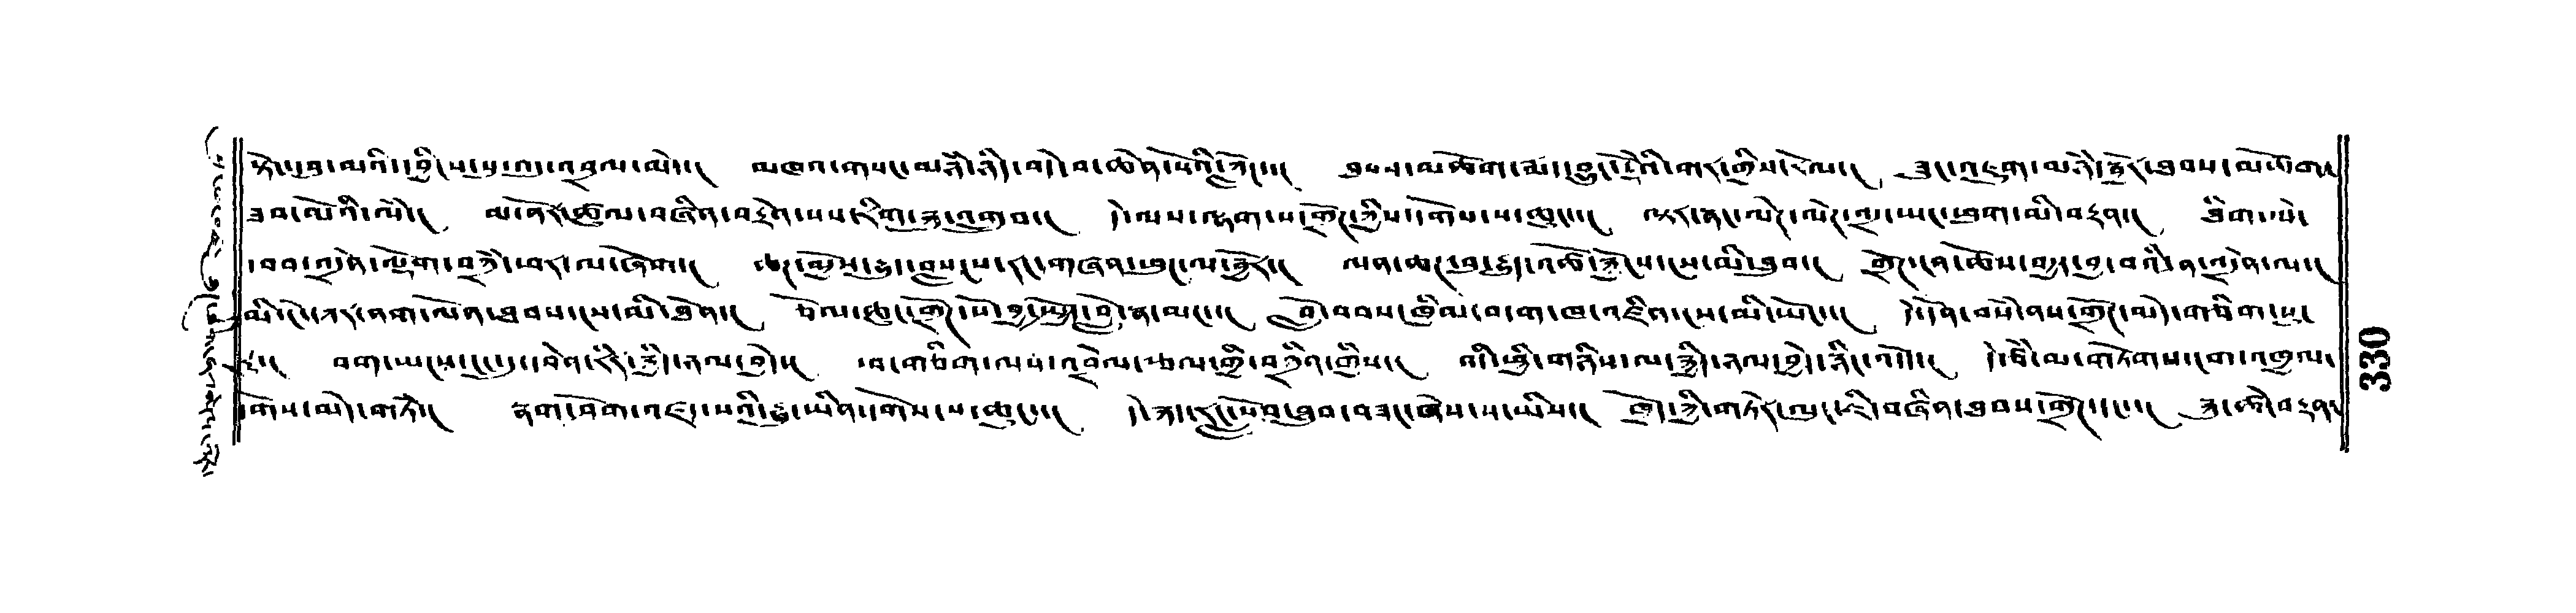སྟོང་དབུ་མའི་དབྱིངས་སུ་འདུ་འབྲལ་མེད། མཁའ་གསང་མཉམ་ཉིད་བདེ་བ་ཆེན་པོའི་ཀློང་། །ཐབས་མཆོག་རྨད་བྱུང་རྡོ་རྗེའི་གར་གྱིས་རོལ། །ཟུང་འཇུག་མཉམ་སྦྱོར་ཐབས་མཆོག་
ཟབ་མོའི་ལམ། །མ་ནོར་ཚུལ་བཞིན་བརྟེན་པས་རིག་སྐུ་འགྲུབ། །དེ་ལས་ལྷག་པ་གྲོགས་ཀྱིས་དགོས་པ་ཆུང་། །ལྟར་སྣང་ལེགས་ལེགས་འདྲ་ཡང་ཕུག་མི་བརྟན། །ཐིག་ལེ་
དབབ་འདྲེན་ལྡོག་བཀྲམ་ཕར་ལ་ཞོག །ཆགས་མྱོས་རྒྱུད་བསླངས་རང་གཞན་ཕུང་ལ་སྦྱོར། །ལན་ཆགས་བུ་རྒྱུད་འཚོ་སྐྱོང་ངས་མི་ཐུབ། །གྲོགས་ངན་ཆོས་བརྒྱད་བྱ་བའི་སྣ་འདྲེན་ལ། །
མི་ངོ་དཀར་ནག་ལོན་ཐབས་ངས་མི་ཐོན། །ཅོལ་ཆུང་གྲོགས་པོ་བྱ་སྤྱོད་བློ་སྣ་མང་། །བློ་བབས་ཁྱིམ་བདག་ཁ་འཛིན་ངས་མི་ཡོང་། །དེ་དོན་བསམ་ནས་གྲོགས་མེད་གཅིག་པུ་
རུ། །བག་ཡངས་ངང་དུ་དབེན་རིར་སྐྱིད་ཉལ་བྱེད། །ཕ་གཅིག་ལས་འབྲེལ་རྩལ་གྱི་བཀའ་དྲིན་གྱིས། །འདི་ཕྱི་གཉིས་ལ་སྐྱིད་ཉལ་བྱེད་སྙིང་འདོད། །དེ་ཙམ་མ་གཏོགས་ངག་འཁྱལ་
དགོས་མེད་གཏམ། །སྣག་ཤོག་འཛད་པའི་རྒྱུ་ཡིན་དགོས་པ་ཆུང་། །དེ་སྐད་རང་སློབ་ཐུབ་བཟང་ཞེས་པ་ཡིས། ཁྱོད་ཀྱི་གཏེར་ལུང་ཇི་བཞིན་ཐབས་གྲོགས་དང་། །སྐུ་ཚེ་བརྟན་